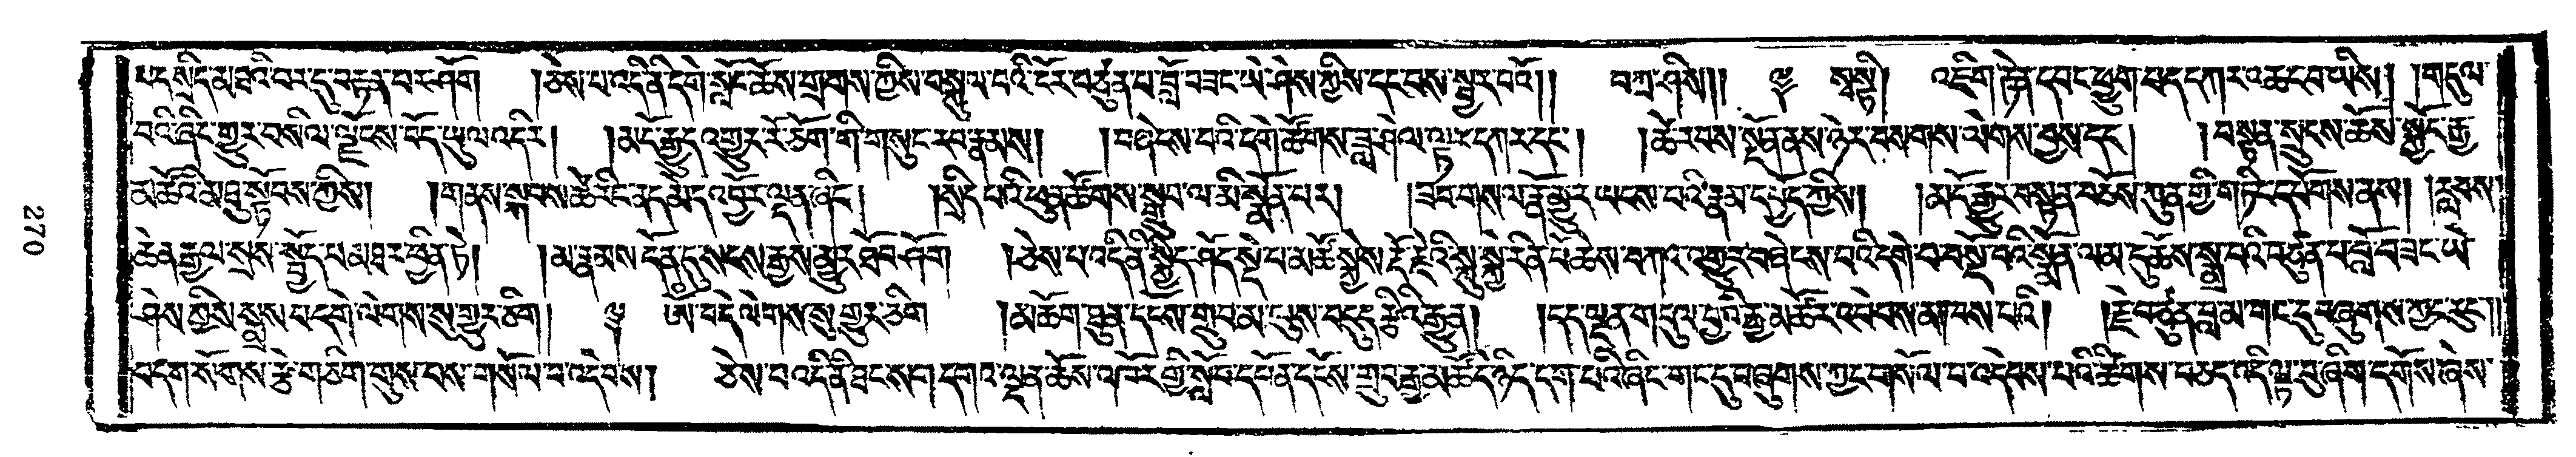པད་སྲིད་མཐའི་བར་དུ་བརྟན་པར་ཤོག །ཅེས་པ་འདི་ནི་དགེ་སློང་ཆོས་གྲགས་ཀྱིས་བསྐུལ་བའི་ངོར་བཙུན་པ་བློ་བཟང་ཡེ་ཤེས་ཀྱིས་དང་བས་སྦྱར་བའོ།། བཀྲ་ཤིས།། ༈ སྭསྟི། འཇིག་རྟེན་དབང་ཕྱུག་པད་དཀར་འཆང་བ་ཡིས། །གདུལ་
བའི་ཞིང་གྱུར་བསིལ་ལྗོངས་བོད་ཡུལ་འདིར། །མདོ་རྒྱུད་འགྱུར་རོ་ཅོག་གི་གསུང་རབ་རྣམས། །བཞེངས་པའི་དགེ་ཚོགས་ཟླ་ཤེལ་ལྟར་དཀར་དང་། །ཚེ་རབས་སྔོན་ནས་ཉེར་བསགས་ལེགས་བྱས་དང་། །བསྟན་སྲུངས་ཆོས་སྐྱོང་རྒྱ་
མཚོའི་མཐུ་སྟོབས་ཀྱིས། །གནས་སྐབས་ཚེ་རིང་ནད་མེད་འབྱོར་ལྡན་ཞིང་། །སྲིད་པའི་ཕུན་ཚོགས་སྒྲུབ་ལ་མི་སྨོན་པར། །ཟབ་གསལ་རྣོ་མྱུར་ཡངས་པའི་རྣམ་དཔྱོད་ཀྱིས། །མདོ་རྒྱུར་བསྟན་བཅོས་ཀུན་གྱི་གཏིང་དཔོགས་ནས། །རླབས་
ཆེན་རྒྱལ་སྲས་སྤྱོད་པ་མཐར་ཕྱིན་ཏེ། །མ་རྣམས་དོན་དུ་སངས་རྒྱས་མྱུར་ཐོབ་ཤོག །ཅེས་པ་འདི་ནི་སྐྱིད་ཤོད་སྡེ་པ་མཚོ་སྐྱེས་རྡོ་རྗེའི་སྐུ་སྐྱེ་རིན་པོ་ཆེས་བཀའ་འགྱུར་བཞེངས་པའི་དགེ་བ་བསྔོ་བའི་སྨོན་ལམ་དུ་ཆོས་སྨྲ་བའི་བཙུན་པ་བློ་བཟང་ཡེ་
ཤེས་ཀྱིས་སྨྲས་པ་དགེ་ལེགས་སུ་གྱུར་ཅིག། ༈ ཨོཾ་བདེ་ལེགས་སུ་གྱུར་ཅིག །མཆོག་ཐུན་དངོས་གྲུབ་མ་ལུས་བདུད་རྩིའི་རྒྱུན། །དད་ལྡན་གདུལ་བྱའི་རྒྱ་མཚོར་འབེབས་མཁས་པའི། །རྗེ་བཙུན་བླ་མ་གང་དུ་བཞུགས་ཀྱང་རུང་། །
བདག་སོགས་རྩེ་གཅིག་གུས་པས་གསོལ་བ་འདེབས། ཅེས་པ་འདི་ནི་ཐང་སག་དགའ་ལྡན་ཆོས་འཁོར་གྱི་སློབ་དཔོན་དངོས་གྲུབ་རྒྱ་མཚོ་དེ་ཉིད་དག་པའི་ཞིང་གང་དུ་བཞུགས་ཀྱང་གསོལ་བ་འདེབས་པའི་ཚིགས་བཅད་འདི་ལྟ་བུ་ཞིག་དགོས་ཞེས་